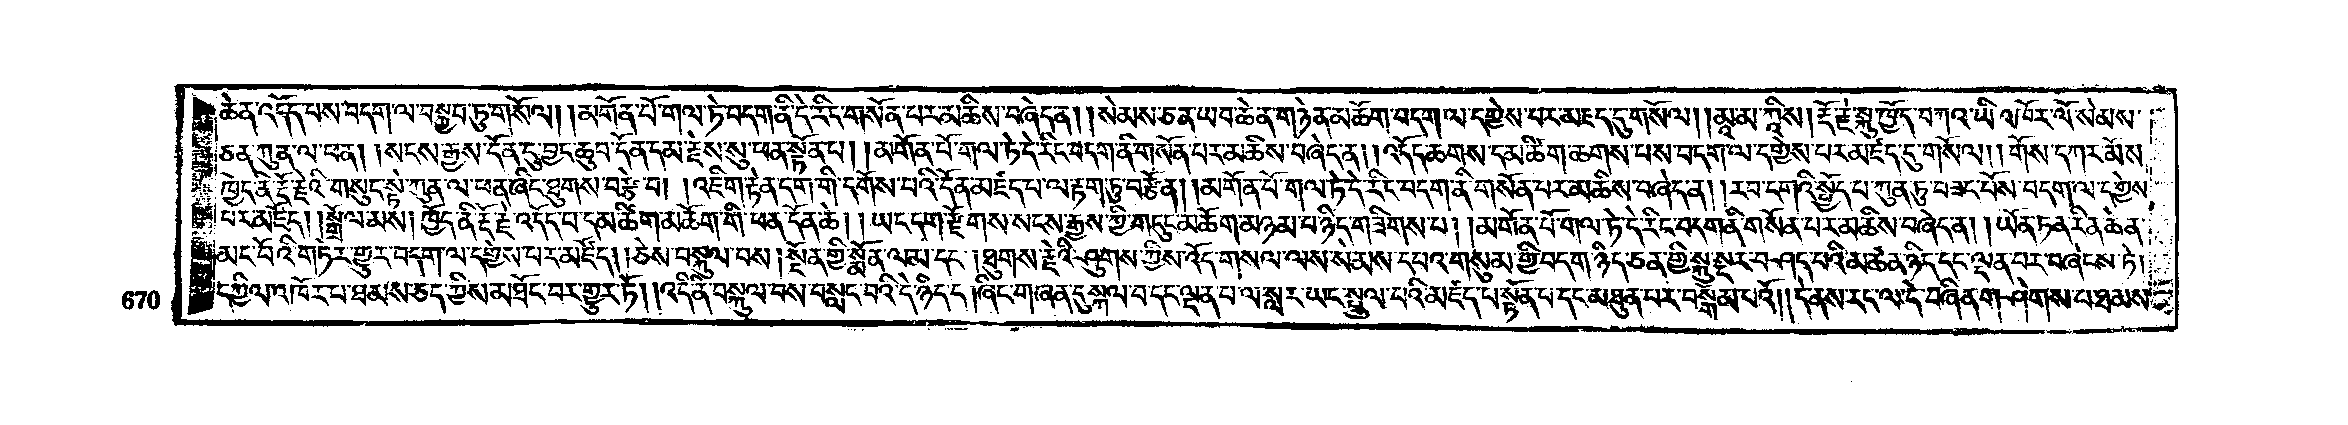ཆེན་འདོད་པས་བདག་ལ་བསྐྱབ་ཏུ་གསོལ། །མགོན་པོ་གལ་ཏེ་བདག་ནི་དེ་རིང་གསོན་པར་མཆིས་བཞེད་ན། །སེམས་ཅན་ཡབ་ཆེན་གཉེན་མཆོག་བདག་ལ་དགྱེས་པར་མཛད་དུ་གསོལ། །མཱ་མ་ཀཱིས། རྡོ་རྗེ་སྐུ་ཁྱོད་བཀའ་ཡི་འཁོར་ལོ་སེམས་
ཅན་ཀུན་ལ་ཕན། །སངས་རྒྱས་དོན་དུ་བྱང་ཆུབ་དོན་དམ་རྗེས་སུ་ཕན་སྟོན་པ། །མགོན་པོ་གལ་ཏེ་དེ་རིང་བདག་ནི་གསོན་པར་མཆིས་བཞེད་ན། །འདོད་ཆགས་དམ་ཚིག་ཆགས་པས་བདག་ལ་དགྱེས་པར་མཛད་དུ་གསོལ། །གོས་དཀར་མོས་
ཁྱེད་ནི་རྡོ་རྗེའི་གསུང་སྟེ་ཀུན་ལ་ཕན་ཞིང་ཐུགས་བརྩེ་བ། །འཇིག་རྟེན་དག་གི་དགོས་པའི་དོན་མཛད་པ་ལ་རྟག་ཏུ་བརྩོན། །མགོན་པོ་གལ་ཏེ་དེ་རིང་བདག་ནི་གསོན་པར་མཆིས་བཞེད་ན། །རབ་དགའི་སྤྱོད་པ་ཀུན་ཏུ་བཟང་པོས་བདག་ལ་དགྱེས་
པར་མཛོད། །སྒྲོལ་མས། ཁྱོད་ནི་རྡོ་རྗེ་འདོད་པ་དམ་ཚིག་མཆོག་གི་ཕན་དོན་ཆེ། །ཡང་དག་རྫོགས་སངས་རྒྱས་ཀྱི་གདུང་མཆོག་མཉམ་པ་ཉིད་གཟིགས་པ། །མགོན་པོ་གལ་ཏེ་དེ་རིང་བདག་ནི་གསོན་པར་མཆིས་བཞེད་ན། །ཡོན་ཏན་རིན་ཆེན་
མང་པོའི་གཏེར་གྱུར་བདག་ལ་དགྱེས་པར་མཛོད། །ཅེས་བསྐུལ་བས། སྔོན་གྱི་སྨོན་ལམ་དང་། ཐུགས་རྗེའི་ཤུགས་ཀྱིས་འོད་གསལ་ལས་སེམས་དཔའ་གསུམ་གྱི་བདག་ཉིད་ཅན་གྱི་སྐུ་སྔར་བཤད་པའི་མཚན་ཉིད་དང་ལྡན་པར་བཞེངས་ཏེ།
དཀྱིལ་འཁོར་པ་ཐམས་ཅད་ཀྱིས་མཐོང་བར་གྱུར་ཏོ། །འདི་ནི་བསྐུལ་བས་བསླང་བའི་དེ་ཉིད་དོ། ཞིང་གཞན་དུ་སྐལ་བ་དང་ལྡན་པ་ལ་སླར་ཡང་སྤྲུལ་པའི་མཛད་པ་སྟོན་པ་དང་མཐུན་པར་བསྒོམ་པའོ། །དེ་ནས་རང་ལ་དེ་བཞིན་གཤེགས་པ་ཐམས་